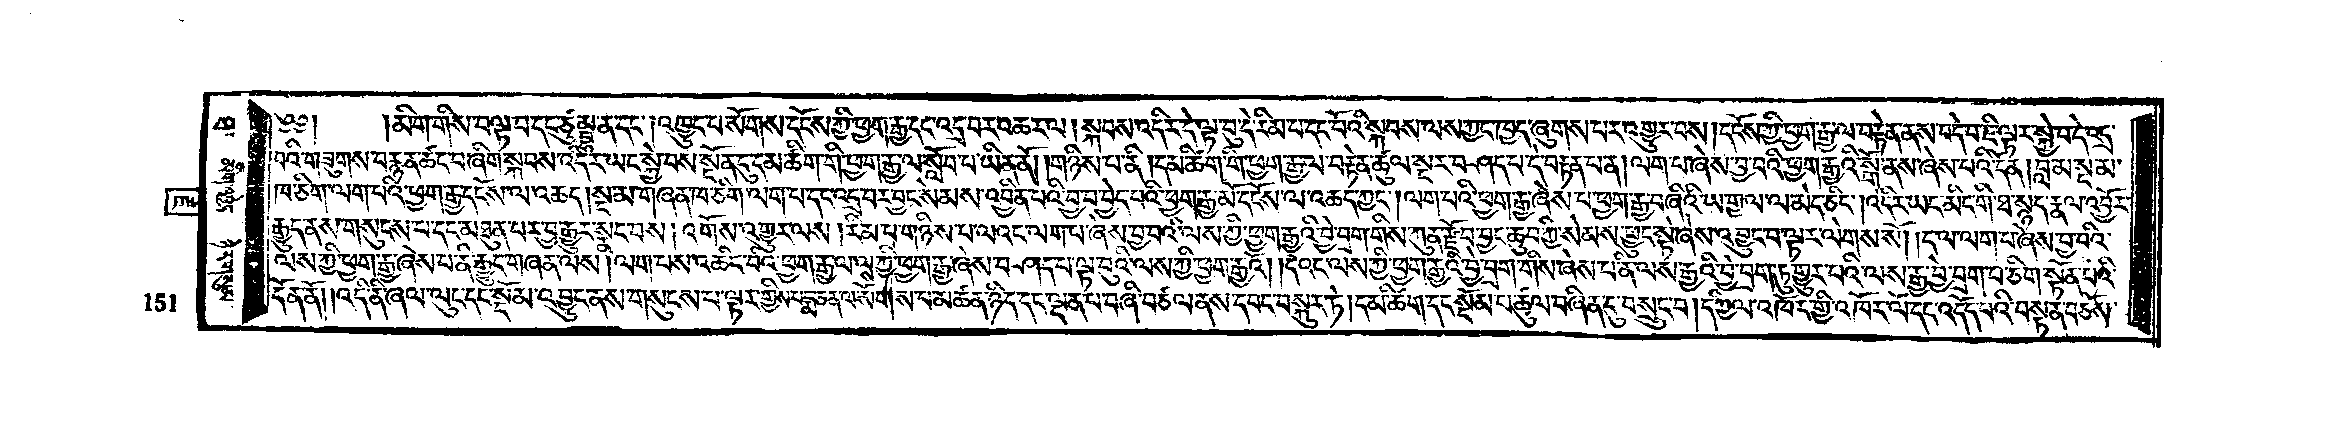༄༅། །མིག་གིས་བལྟ་བ་དང་ཙུམྦྷ་ན་དང་། འཁྱུད་པ་སོགས་དངོས་ཀྱི་ཕྱག་རྒྱ་དང་འདྲ་བར་འཆར་ལ། སྐབས་འདིར་དེ་ལྟ་བུ་དེ་རིམ་པ་དང་པོའི་སྐབས་ལས་ཀྱང་ཁྱད་ཞུགས་པར་འགྱུར་བས། དངོས་ཀྱི་ཕྱག་རྒྱ་ལ་བརྟེན་ནས་བདེ་བ་ཇི་ལྟར་སྐྱེ་བ་དེ་འདྲ་
བའི་གཟུགས་བརྙན་ཚང་བ་ཞིག་སྐབས་འདིར་ཡང་སྐྱེ་བས་སྔོན་དུ་དམ་ཚིག་གི་ཕྱག་རྒྱ་ལ་སློབ་པ་ཡིན་ནོ། །གཉིས་པ་ནི། དམ་ཚིག་གི་ཕྱག་རྒྱ་ལ་བརྟེན་ཚུལ་སྔར་བཤད་པ་དེ་བརྟན་པ་ན། ལག་པ་ཞེས་བྱ་བའི་ཕྱག་རྒྱའི་སྒོ་ནས་ཞེས་པའི་དོན། བླ་མ་སྔ་མ་
ཁ་ཅིག་ལག་པའི་ཕྱག་རྒྱ་དངོས་ལ་འཆད། སྔ་མ་གཞན་ཁ་ཅིག་ལག་པ་དང་འདྲ་བར་བྱང་སེམས་འབྱིན་པའི་བྱ་བ་བྱེད་པའི་ཕྱག་རྒྱ་མོ་དངོས་ལ་འཆད་ཀྱང་། ལག་པའི་ཕྱག་རྒྱ་ཞེས་པ་ཕྱག་རྒྱ་བཞིའི་ཡ་གྱལ་ལ་མེད་ཅིང་། འདིར་ཡང་མིང་གི་ཐ་སྙད་རྣལ་འབྱོར་
རྒྱུད་ནས་གསུངས་པ་དང་མཐུན་པར་བྱ་རྒྱུར་སྣང་བས། འགོས་འགྱུར་ལས། རིམ་པ་གཉིས་པ་ལའང་ལག་པ་ཞེས་བྱ་བའི་ལས་ཀྱི་ཕྱག་རྒྱའི་བྱེ་བྲག་གིས་ཀུན་རྫོབ་བྱང་ཆུབ་ཀྱི་སེམས་ཕྱུང་སྟེ་ཞེས་འབྱུང་བ་ལྟར་ལེགས་སོ། །དེ་ལ་ལག་པ་ཞེས་བྱ་བའི་
ལས་ཀྱི་ཕྱག་རྒྱ་ཞེས་པ་ནི་རྒྱུད་གཞན་ལས། ལག་པས་འཆིང་བའི་ཕྱག་རྒྱ་ལ་ལས་ཀྱི་ཕྱག་རྒྱ་ཞེས་བཤད་པ་ལྟ་བུའི་ལས་ཀྱི་ཕྱག་རྒྱའོ། །དེའང་ལས་ཀྱི་ཕྱག་རྒྱའི་བྱེ་བྲག་གིས་ཞེས་པ་ནི་ལས་རྒྱའི་བྱེ་བྲག་ཏུ་གྱུར་པའི་ལས་རྒྱ་བྱེ་བྲག་པ་ཅིག་སྟོན་པའི་
དོན་ནོ། །འདི་ནི་ཞལ་ལུང་དང་སྡོམ་འབྱུང་ནས་གསུངས་པ་ལྟར་གྱིས་པདམ་ཅན་ལ་སོགས་པ་མཚན་ཉིད་དང་ལྡན་པ་བཞི་བཙལ་ནས་དབང་བསྐུར་ཏེ། དམ་ཚིག་དང་སྡོམ་པ་ཚུལ་བཞིན་དུ་བསྲུང་བ། དཀྱིལ་འཁོར་གྱི་འཁོར་ལོ་དང་འདོད་པའི་བསྟན་བཅོས་